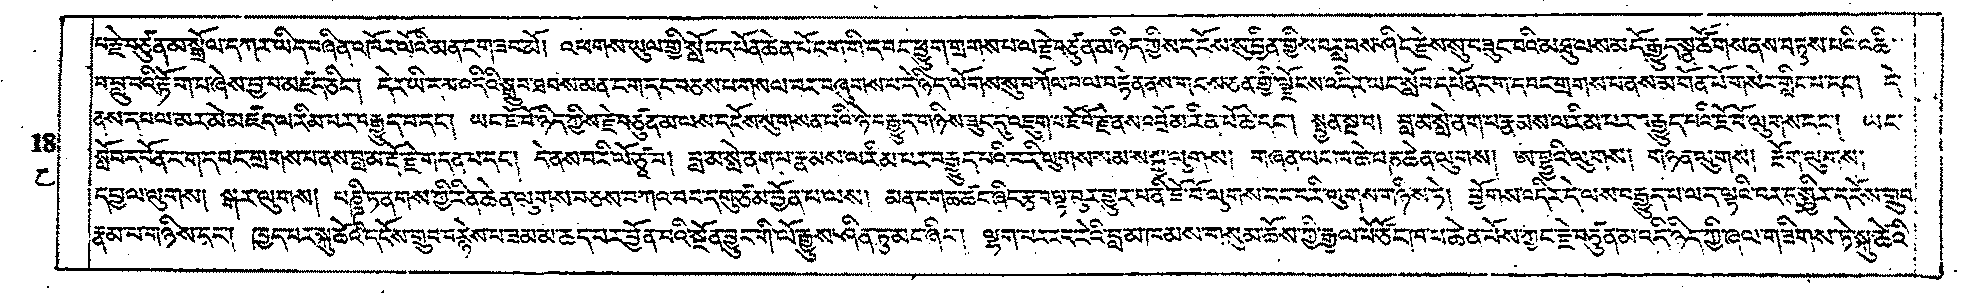པ་རྗེ་བཙུན་མ་སྒྲོལ་དཀར་ཡིད་བཞིན་འཁོར་ལོའི་མན་ངག་ཟབ་མོ། འཕགས་ཡུལ་གྱི་སློབ་དཔོན་ཆེན་པོ་ངག་གི་དབང་ཕྱུག་གྲགས་པ་ལ་རྗེ་བཙུན་མ་ཉིད་ཀྱིས་དངོས་སུ་བྱིན་གྱིས་བརླབས་ཤིང་རྗེས་སུ་བཟུང་བའི་མཐུ་ལས་མདོ་རྒྱུད་སྣ་ཚོགས་ནས་བཏུས་པའི་འཆི་་་
བ་བླུ་བའི་རྟོག་པ་ཞེས་བྱ་བ་མཛད་ཅིང་། དེར་ཡི་དམ་འདིའི་སྒྲུབ་ཐབས་མན་ངག་དང་བཅས་པ་གསལ་བར་བཞུགས་པ་དེ་ཉིད་ལོགས་སུ་བཀོལ་བ་ལ་བརྟེན་ནས་གངས་ཅན་གྱི་ལྗོངས་འདིར་ཡང་སློབ་དཔོན་ངག་དབང་གྲགས་པ་ནས་མགོན་པོ་གསེར་གླིང་པ་དང་། དེ་
ནས་དཔལ་མར་མེ་མཛད་ལ་རིམ་པར་བརྒྱུད་པ་དང་། ཡང་ཇོ་བོ་ཉིད་ཀྱིས་རྗེ་བཙུན་མ་ལས་དངོས་སུ་གསན་པའི་ཉེ་བརྒྱུད་གཉིས་ཟུང་དུ་འཇུག་པ་ཇོ་བོ་རྗེ་ནས་འབྲོམ་རིན་པོ་ཆེ་དང་། སྤྱན་སྔ་བ། བླ་མ་སླེ་ནག་པ་རྣམས་ལ་རིམ་པར་བརྒྱུད་པའི་ཇོ་བོ་ལུགས་དང་། ཡང་
སློབ་དཔོན་ངག་དབང་གྲགས་པ་ནས་བླ་མ་རྡོ་རྗེ་གདན་པ་དང་། དེ་ནས་བ་རི་ལོ་ཙཱ་བ། བླ་མ་སླེ་ནག་པ་རྣམས་ལ་རིམ་པར་བརྒྱུད་པའི་བ་རི་ལུགས་སམ་ས་སྐྱ་ལུགས། གཞན་ཡང་ཁ་ཆེ་པཎ་ཆེན་ལུགས། ཨ་བྷྱའི་ལུགས། གཉན་ལུགས། རྡོག་ལུགས།
དཔྱལ་ལུགས། སྒར་ལུགས། པཎྜི་ཏ་ནགས་ཀྱི་རིན་ཆེན་ལུགས་བཅས་བཀའ་བབ་དགུ་ཙམ་བྱོན་པ་ལས། མན་ངག་ཆ་ཚང་ཞིང་རྩ་བ་ལྟ་བུར་གྱུར་པ་ནི་ཇོ་བོ་ལུགས་དང་བ་རི་ལུགས་གཉིས་ཏེ། ཕྱོགས་འདིར་དེ་ལས་བརྒྱུད་པ་ལ་ད་ལྟའི་བར་དུ་སྤྱིར་དངོས་གྲུབ་
རྣམ་པ་གཉིས་དང་། ཁྱད་པར་སྐུ་ཚེའི་དངོས་གྲུབ་བརྙེས་པ་ཟམ་མ་ཆད་པར་བྱོན་པའི་སྔོན་བྱུང་གི་ལོ་རྒྱུས་ཤིན་ཏུ་མང་ཞིང་། ལྷག་པར་རང་རེའི་བླ་མ་ཁམས་གསུམ་ཆོས་ཀྱི་རྒྱལ་པོ་ཙོང་ཁ་པ་ཆེན་པོས་ཀྱང་རྗེ་བཙུན་མ་འདི་ཉིད་ཀྱི་ཞལ་གཟིགས་ཏེ་སྐུ་ཚེའི་